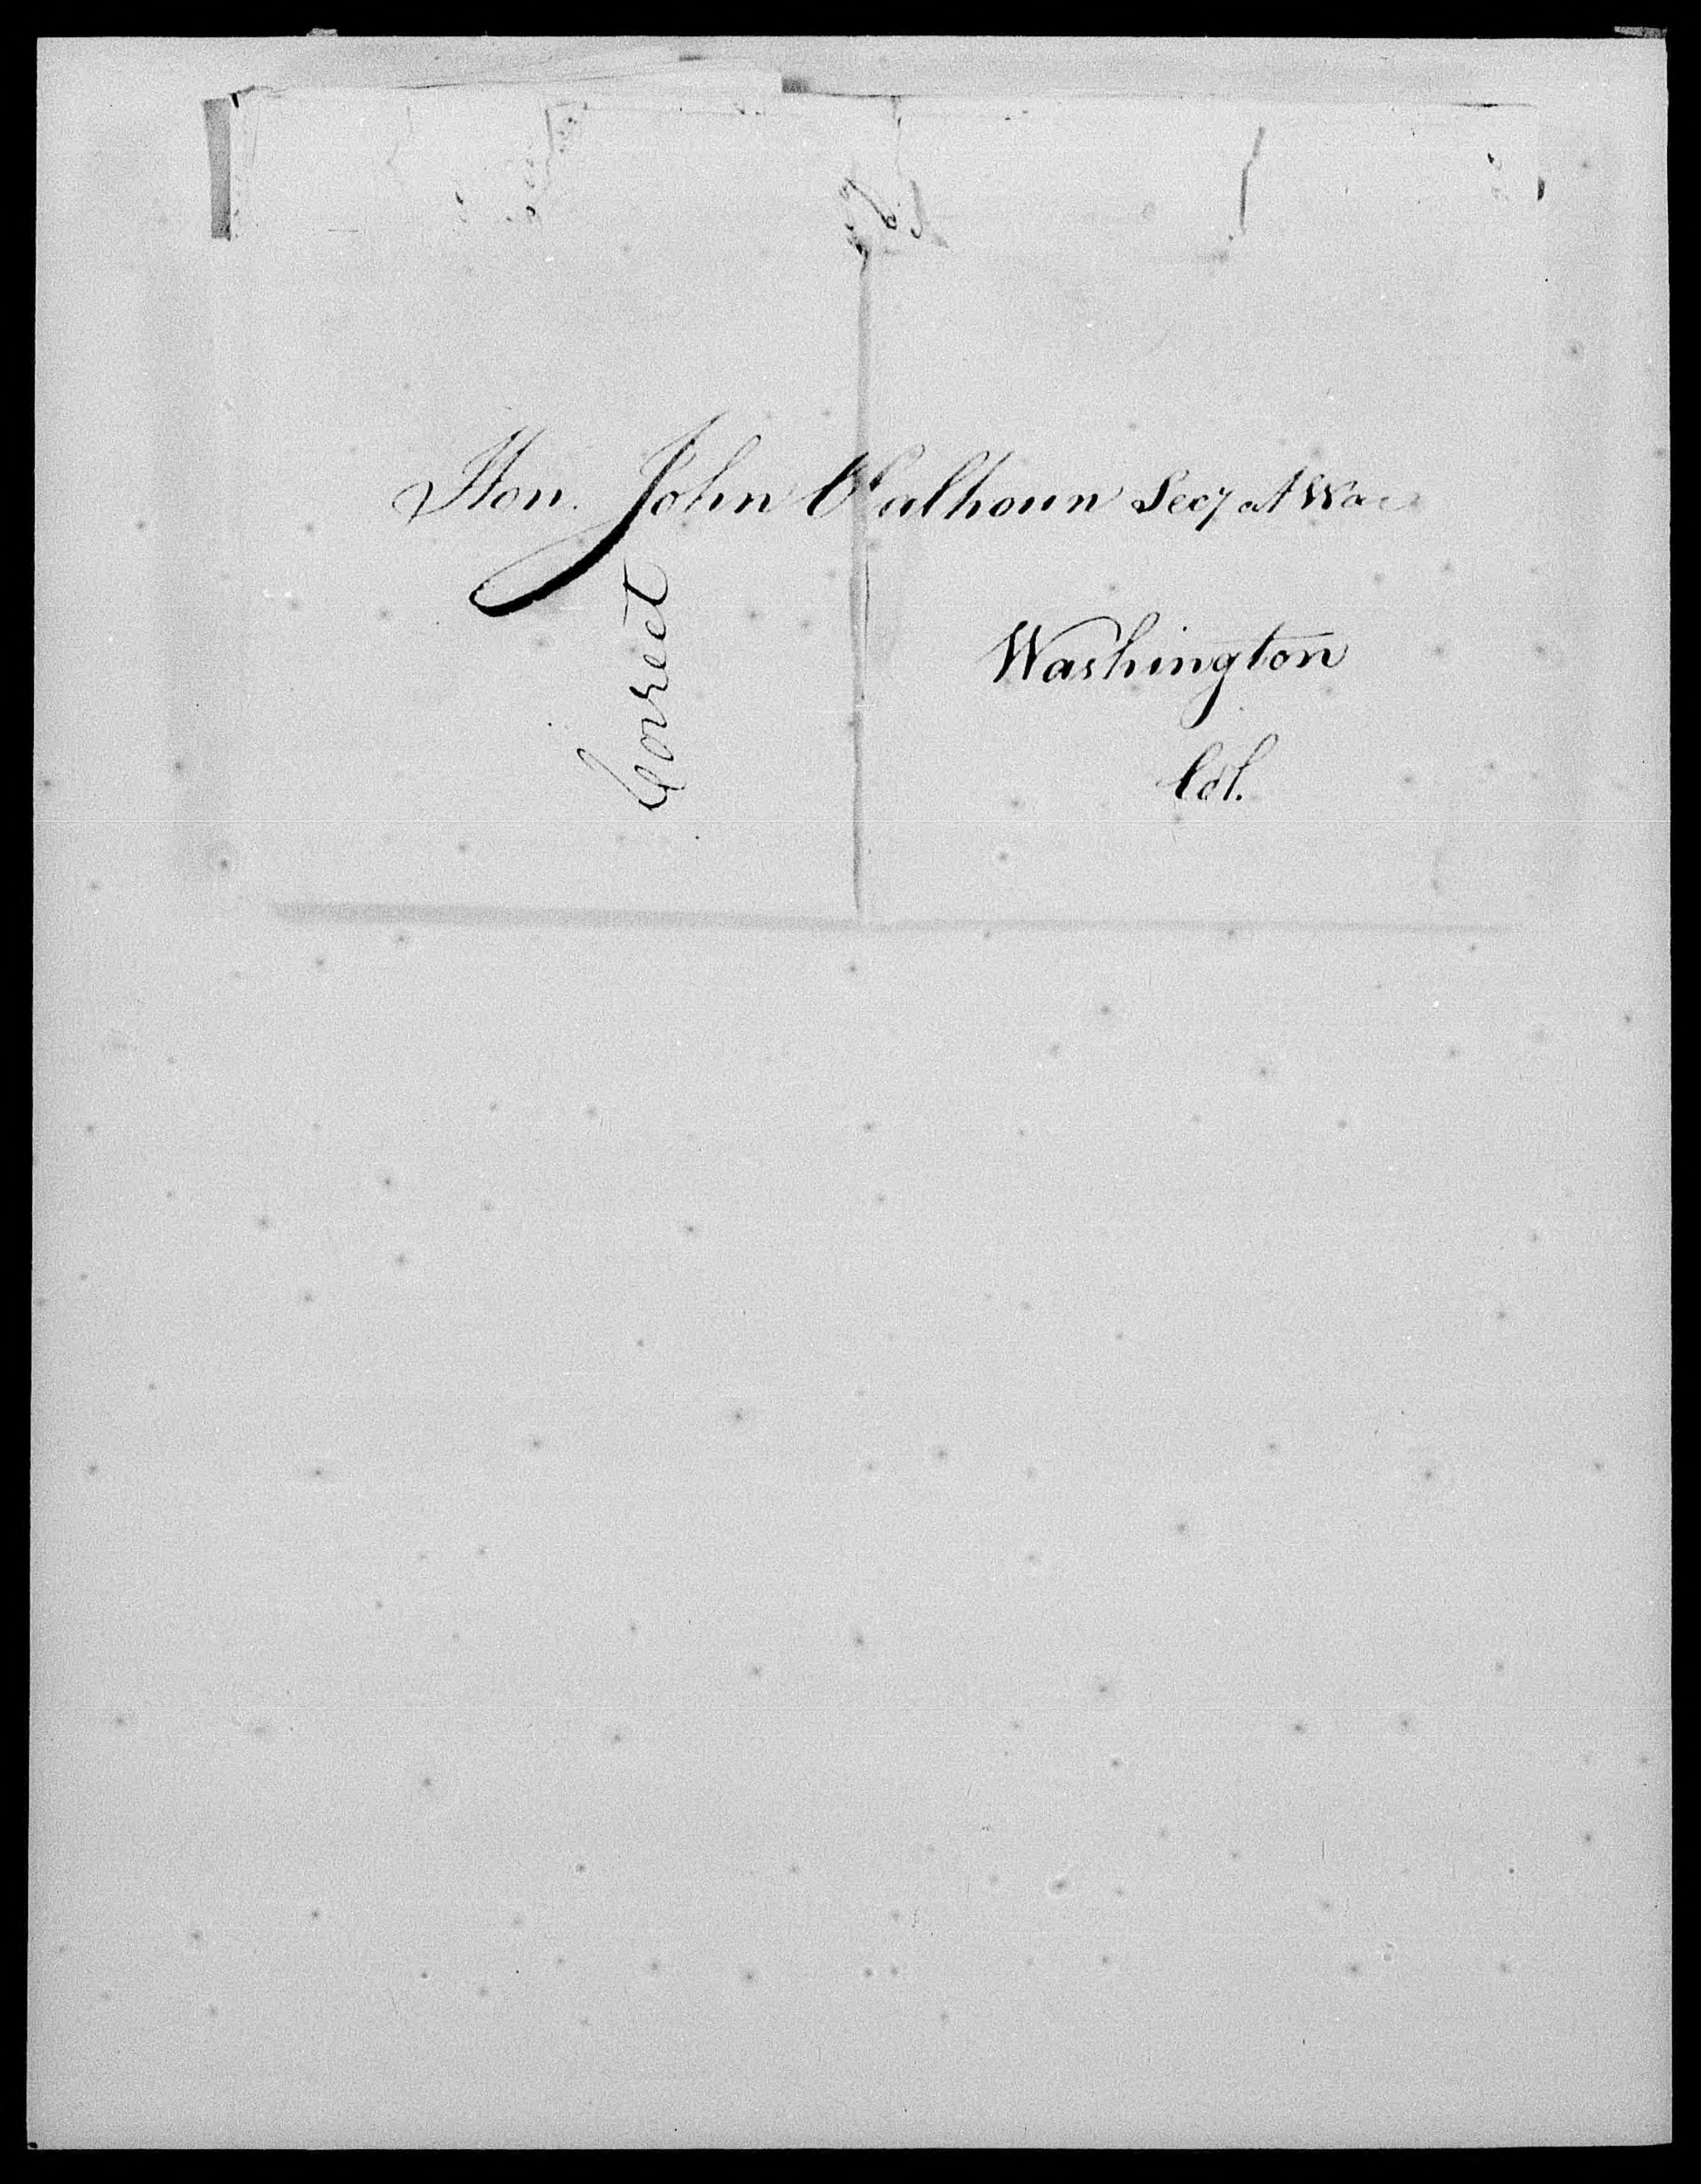Hon. John Calhoun Secy of War
Washington Col.

Correct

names: John C Calhoun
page: 4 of 9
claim: survivor's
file: S. 36190, for Mark Newell, Connecticut